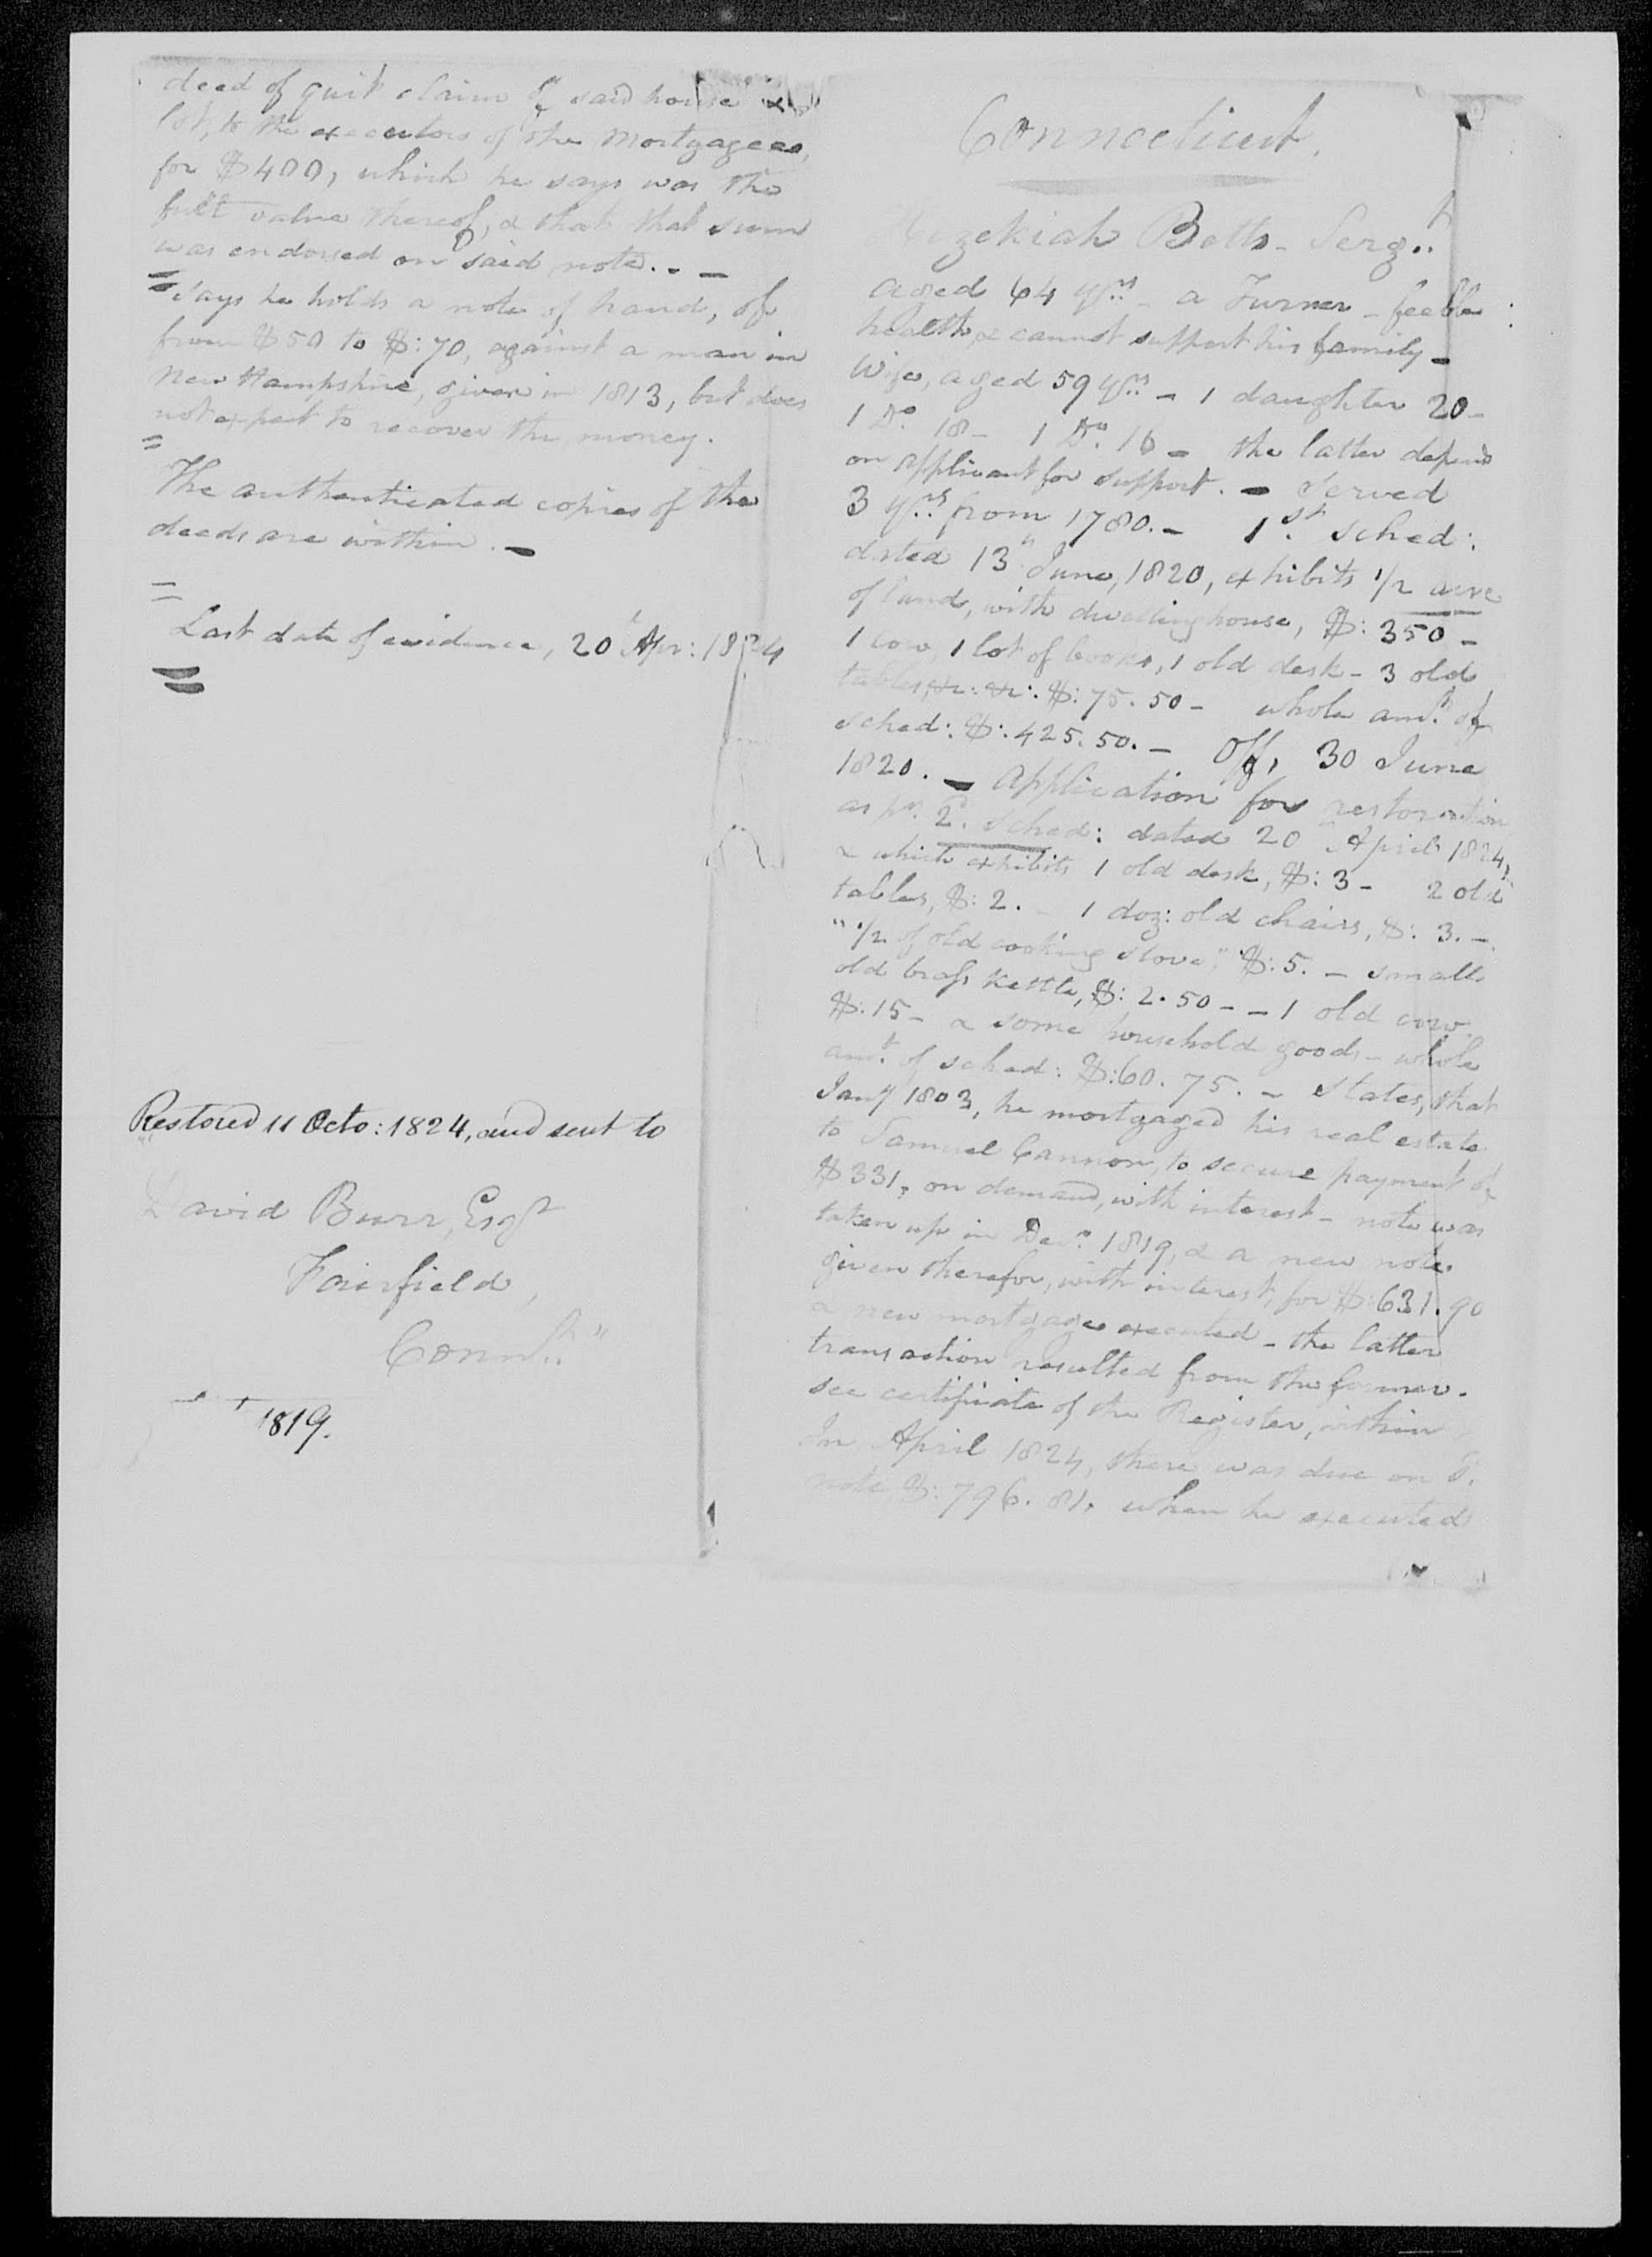deed of quit claim of said house & lot, to the executors of the mortgages for $400, which he says was the full value thereof, & that that sum was endorsed on said note.- says he holds a note of hand, of from $50 to $70, against a man in New Hampshire, given in 1813, but does not expect to recover the money.
The authenticated copies of the deeds are within.
Last data of evidence 20 Apl 1824

Connecticut
Hezekiah Betts- Sergt
aged 64 years, a farmer, feeble health, & cannot support his family- wife, aged 59 yrs- 1 daughter 20- 2 da 18- 1 do 16- the latter depends on applicant for support- served 3 yrs from 1780- 1st sched: dated 13th June 1820, exhibits 1/2 acre of lands, with dwelling house, $350- 1 cow, 1 lot of books, 1 old desk- 3 old tables &c &c: $75.50- whole amt of sched: $425.50- Offs 30 June 1820.- application for restoration as per 2d sched: dated 20 April 1824, tables $2, 1 doz: old chairs, $3- 1/2 of old cooking stove, $5- small old brass kettle, $2.50- 1 old cow, $15- & some household goods- whole amt of sched: $60.75-states, that Jany 1803, he mortgaged his real estate to Samuel Cannon, to secure payment of $331, on demand, with interest, note was taken up in Dec 1819, & a new note given therefore, with interest, for $631.90 a new mortgage executed- the latter transaction resulted from the former- see certificate of the Register, within. In April 1824, there was due on sd note $79 [unk], when he executed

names: Hezekiah Betts, Samuel Cannon, David Burr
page: 23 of 61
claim: widow's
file: W. 29,929, Hezekiah Betts, Conn.